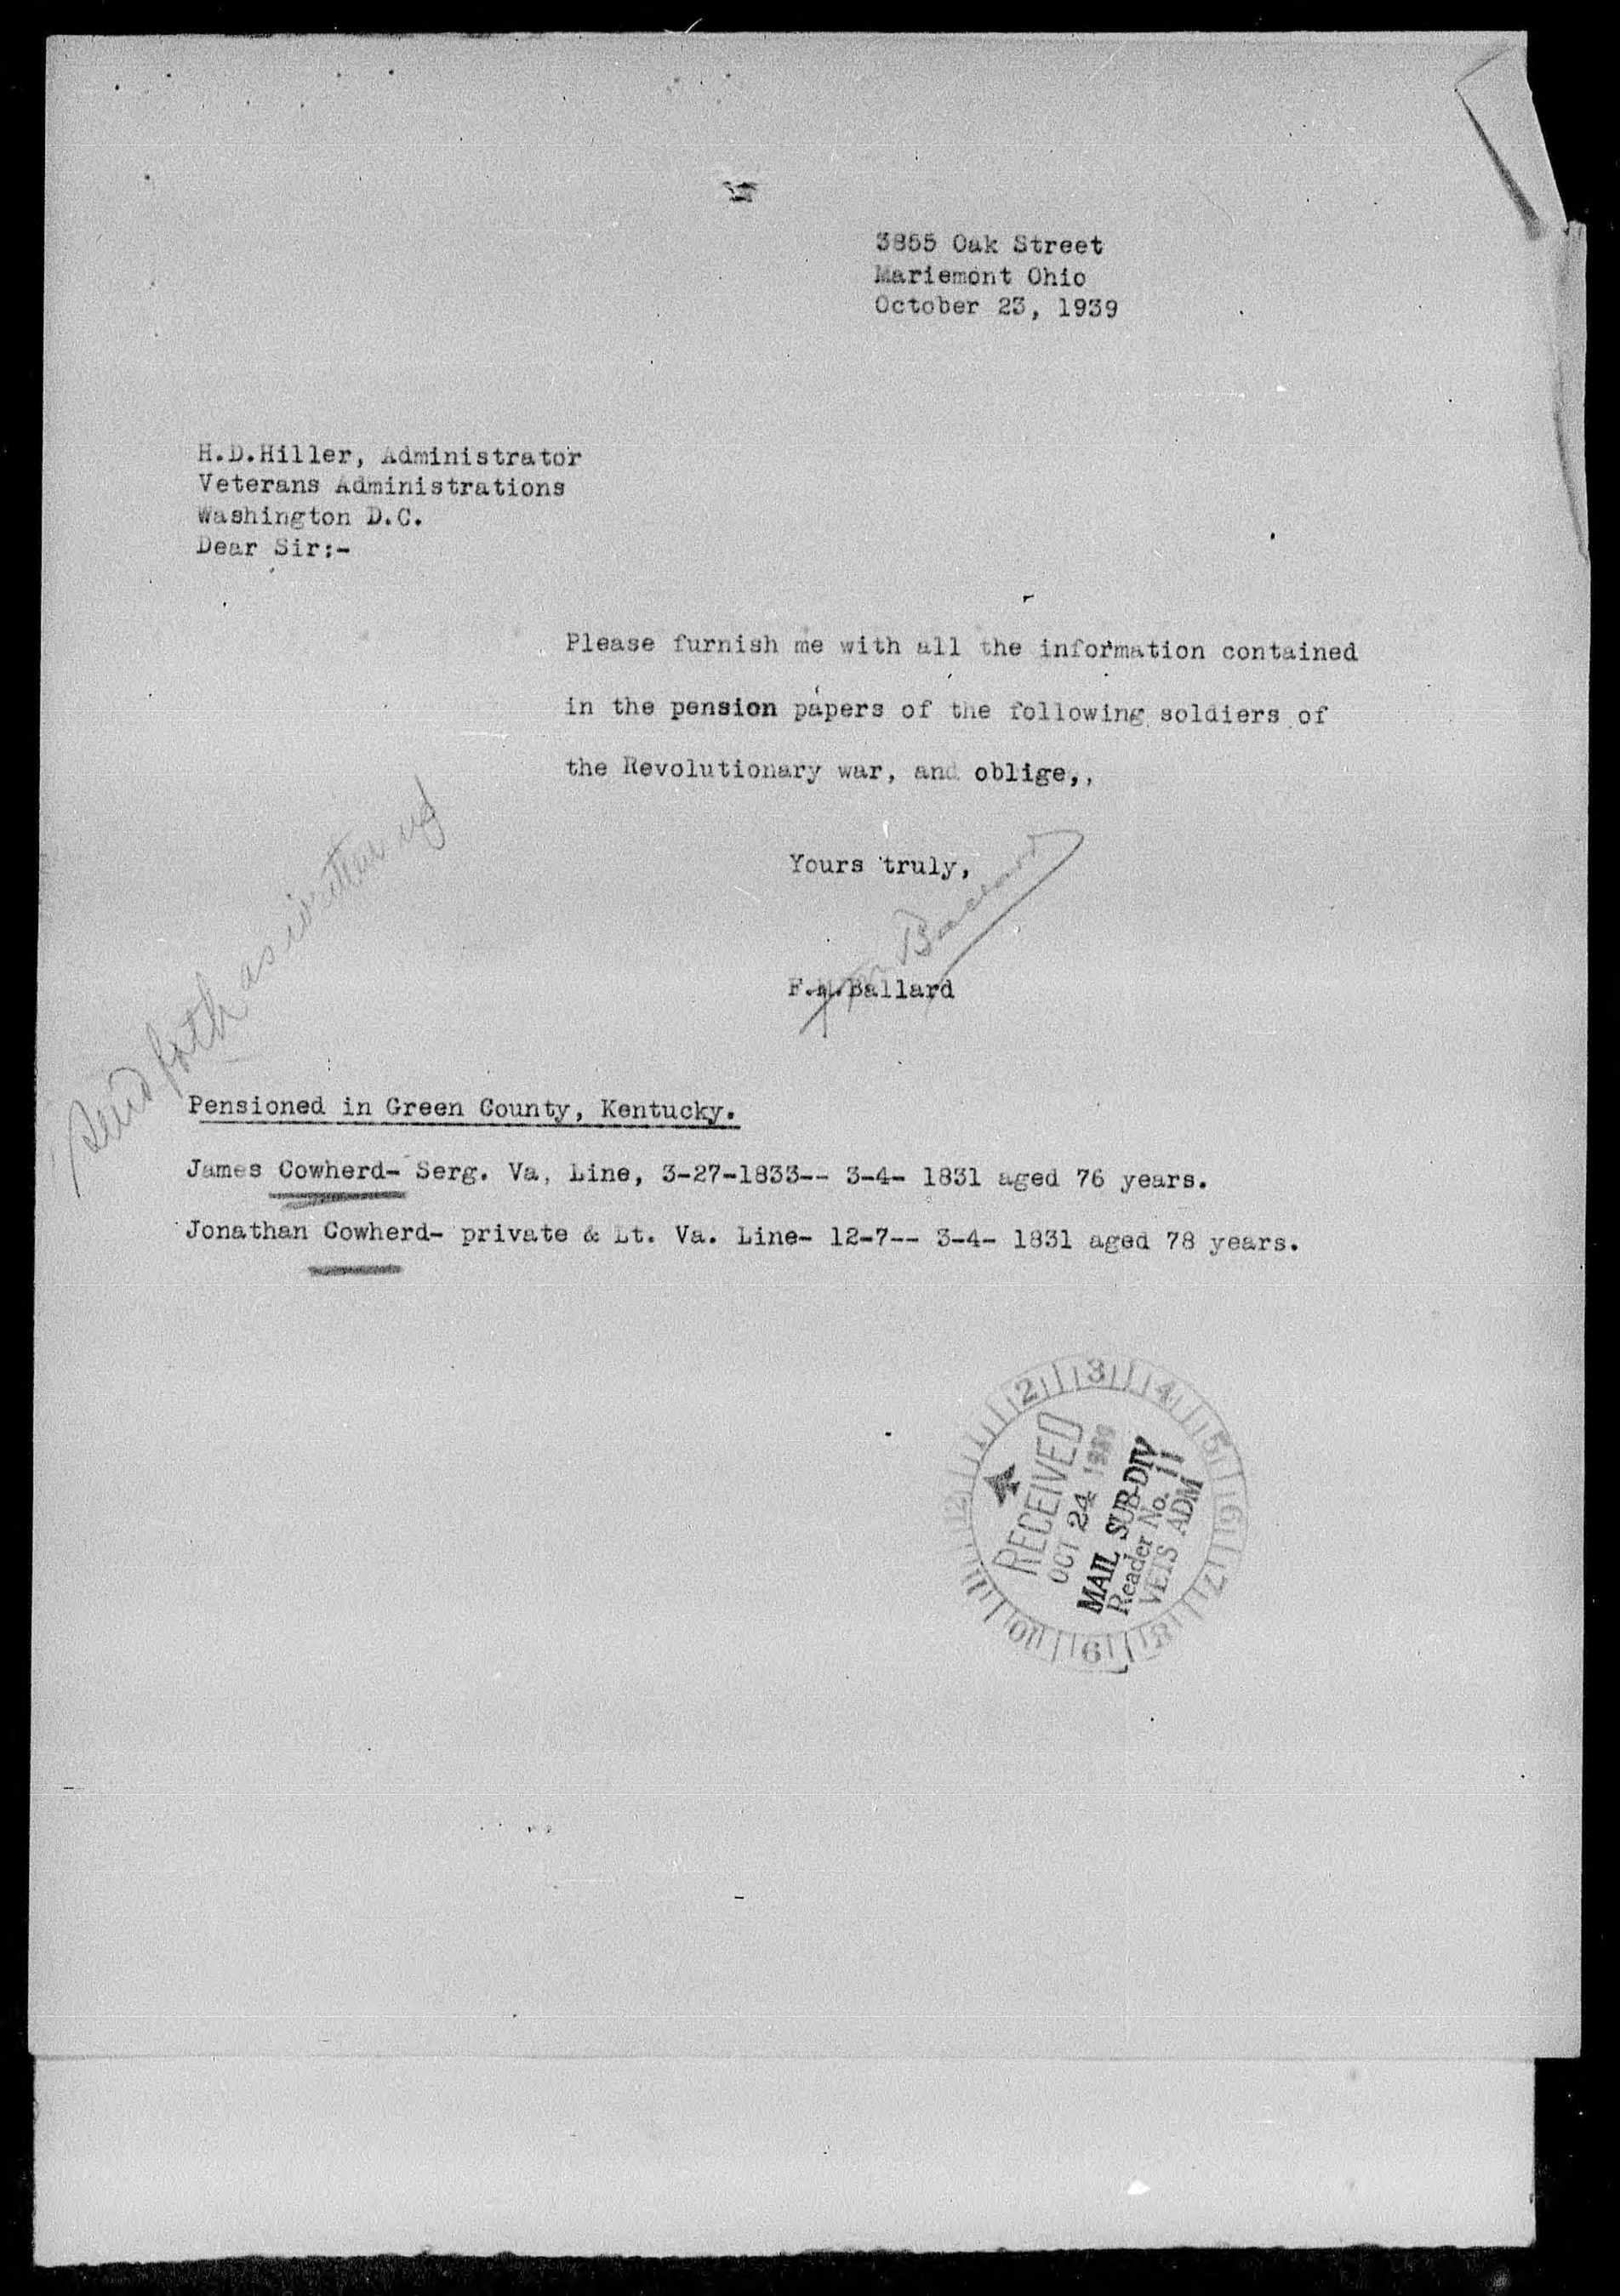3855 Oak Street
Mariemont Ohio
October 23, 1939

H. D. Hiller, Administrator
Veterans Administrations
Washington D.C.
Dear Sir:-

Please furnish me with all the information contained in the pension papers of the following soldiers of the Revolutionary war, and oblige,
Yours truly
F. M. Ballard
[signature] F. M. Ballard

[handwritten] Send both as written up

Pensioned in Green County, Kentucky.
James Cowherd-Serg. Va. Line, 3-27-1833-3-4-1831 aged 76 years.
Jonathan Cowherd private & Lt. Va. Line - 12-7-3-4- 1831 aged 78 years.

[stamp]
RECEIVED OCT 24 1939
MAIL SUB-DIV
Reader No. 11
VETS ADM
-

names: F M Ballard, Jonathan Cowherd, H D Hiller, F M Ballard, James Cowherd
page: 39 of 46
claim: widow's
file: W 8619, Jonathan Cowherd, Va.